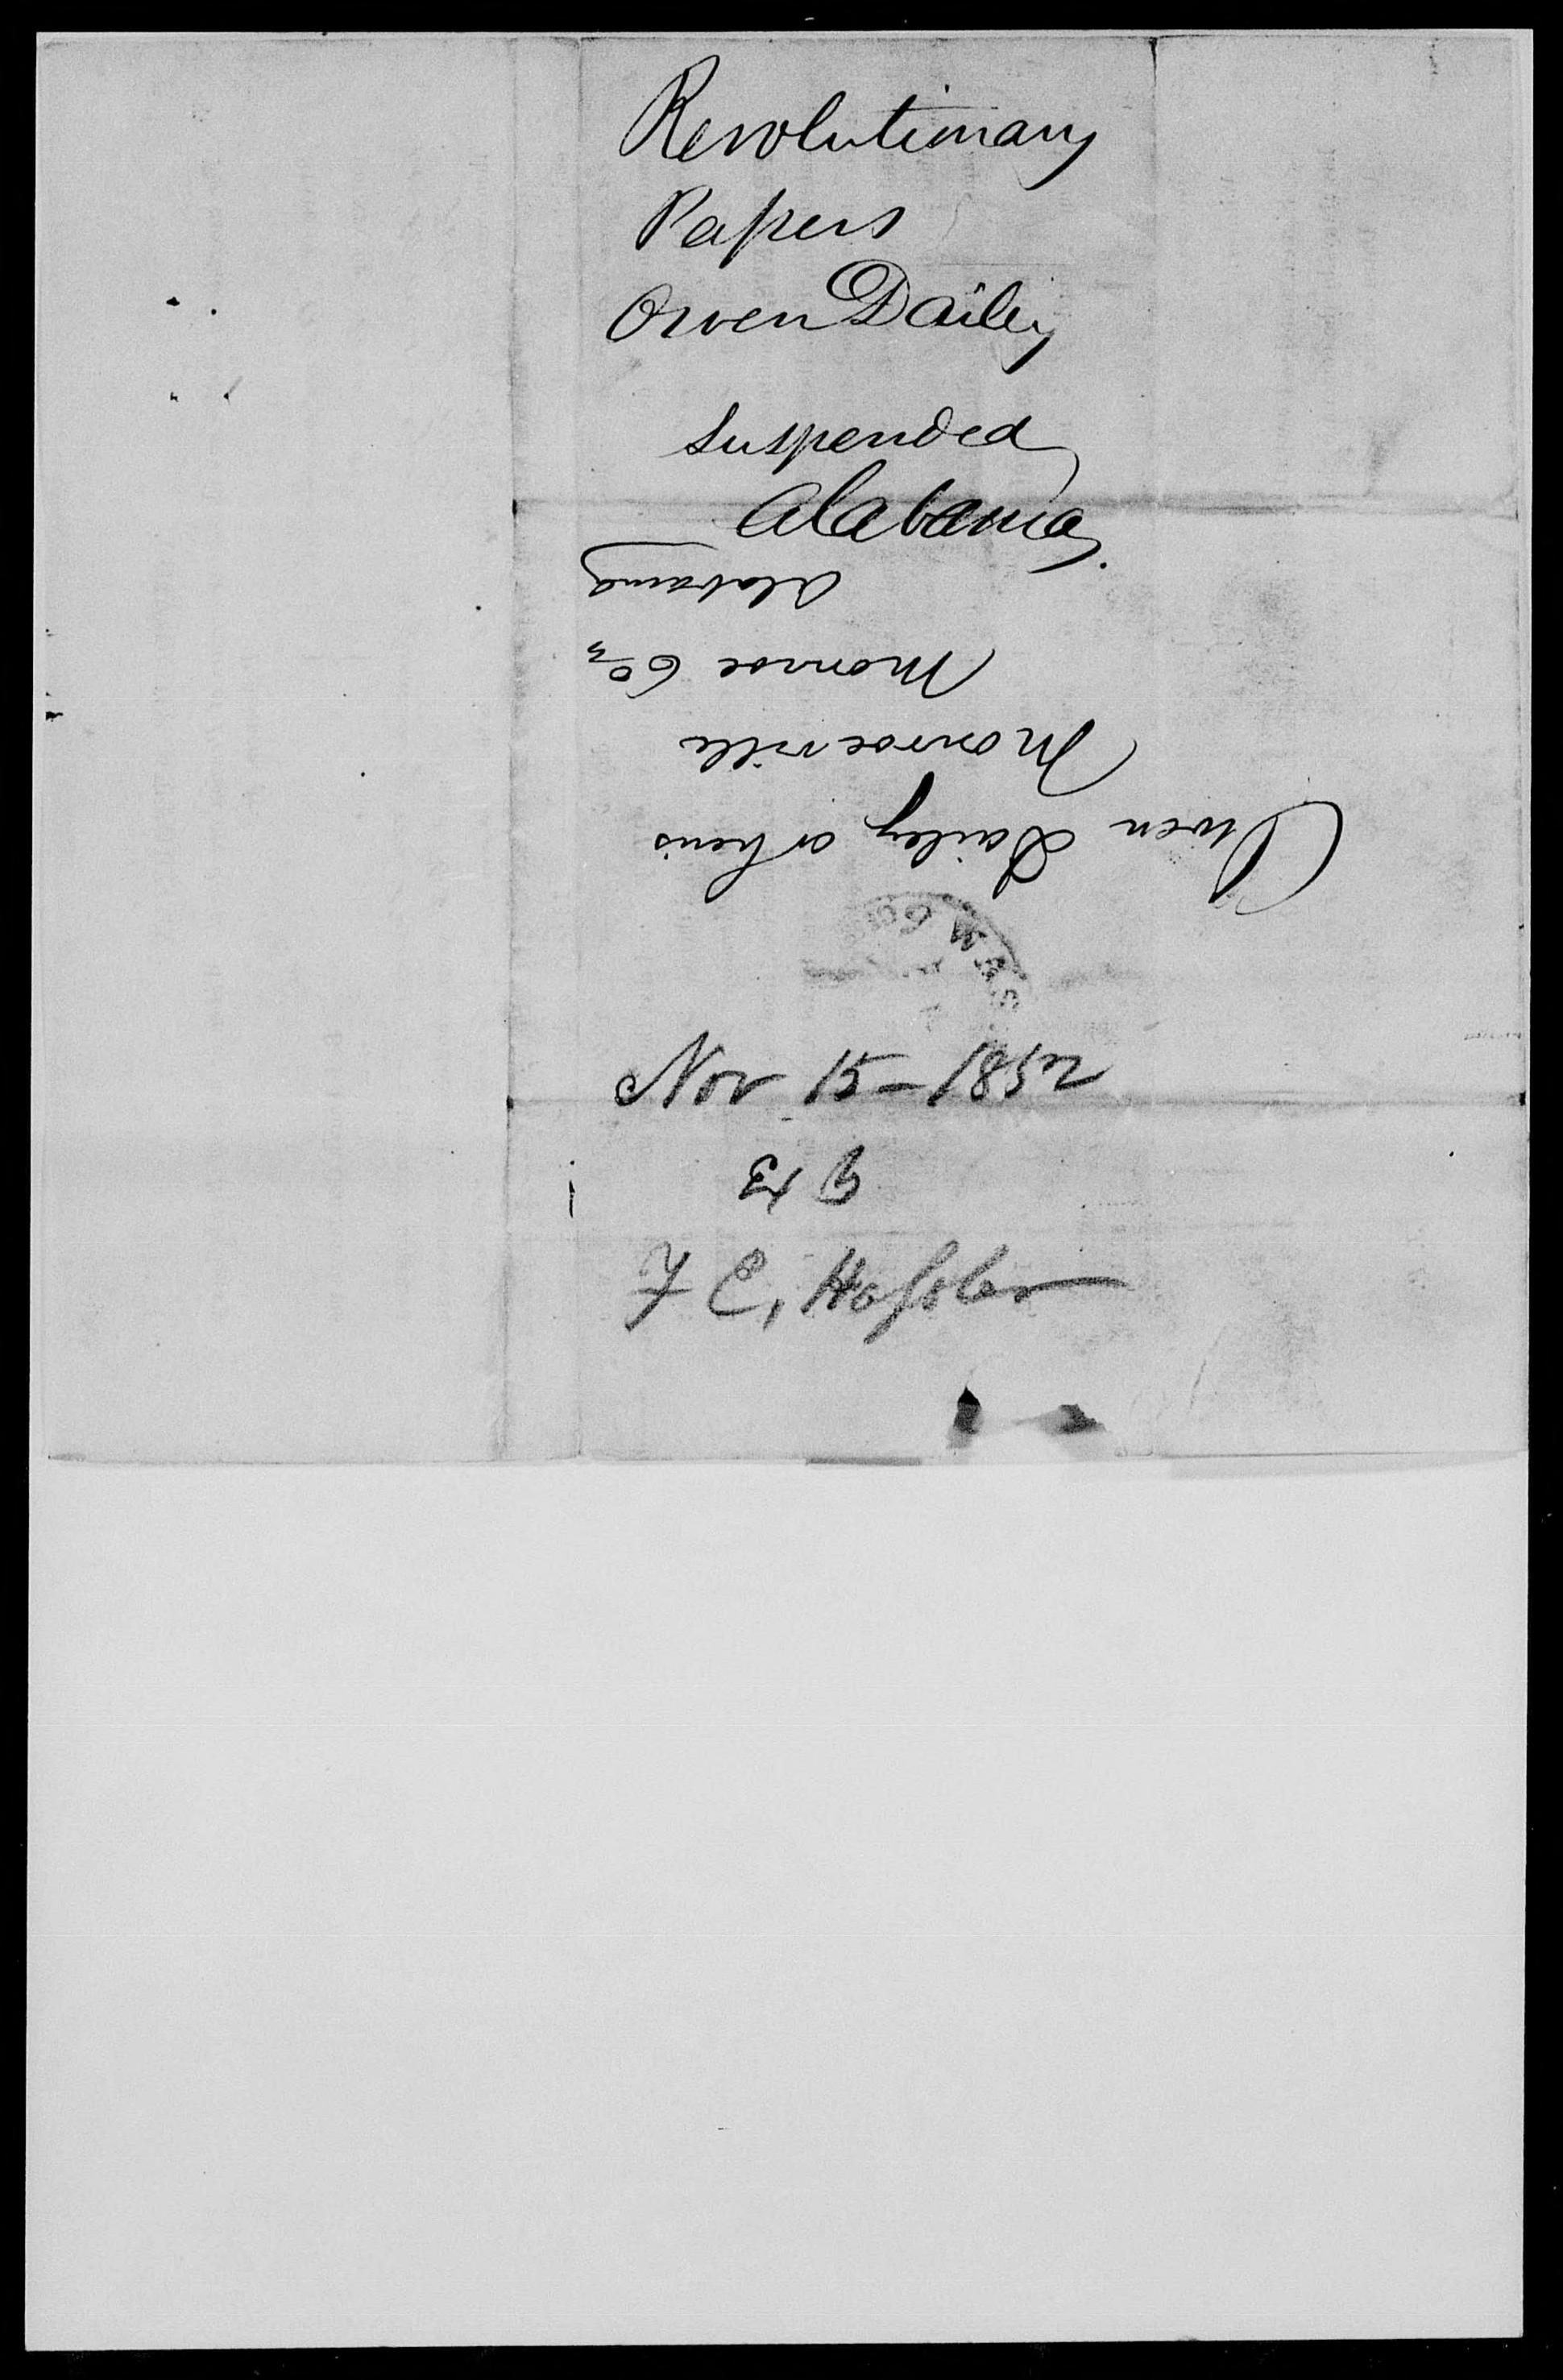Revolutionary
Papers
Owen Dailey
Suspended
Alabama

Nov 1882
Ex B
 F E Hossler


[illegible] postal mark
Owen Dailey [illegible]
Monroeville
Monroe Co
Alabama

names: F E Hossler, Owen Dailey, Owen Dailey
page: 8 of 13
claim: rejected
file: R. 2,622, Owen Dailey, S.C.